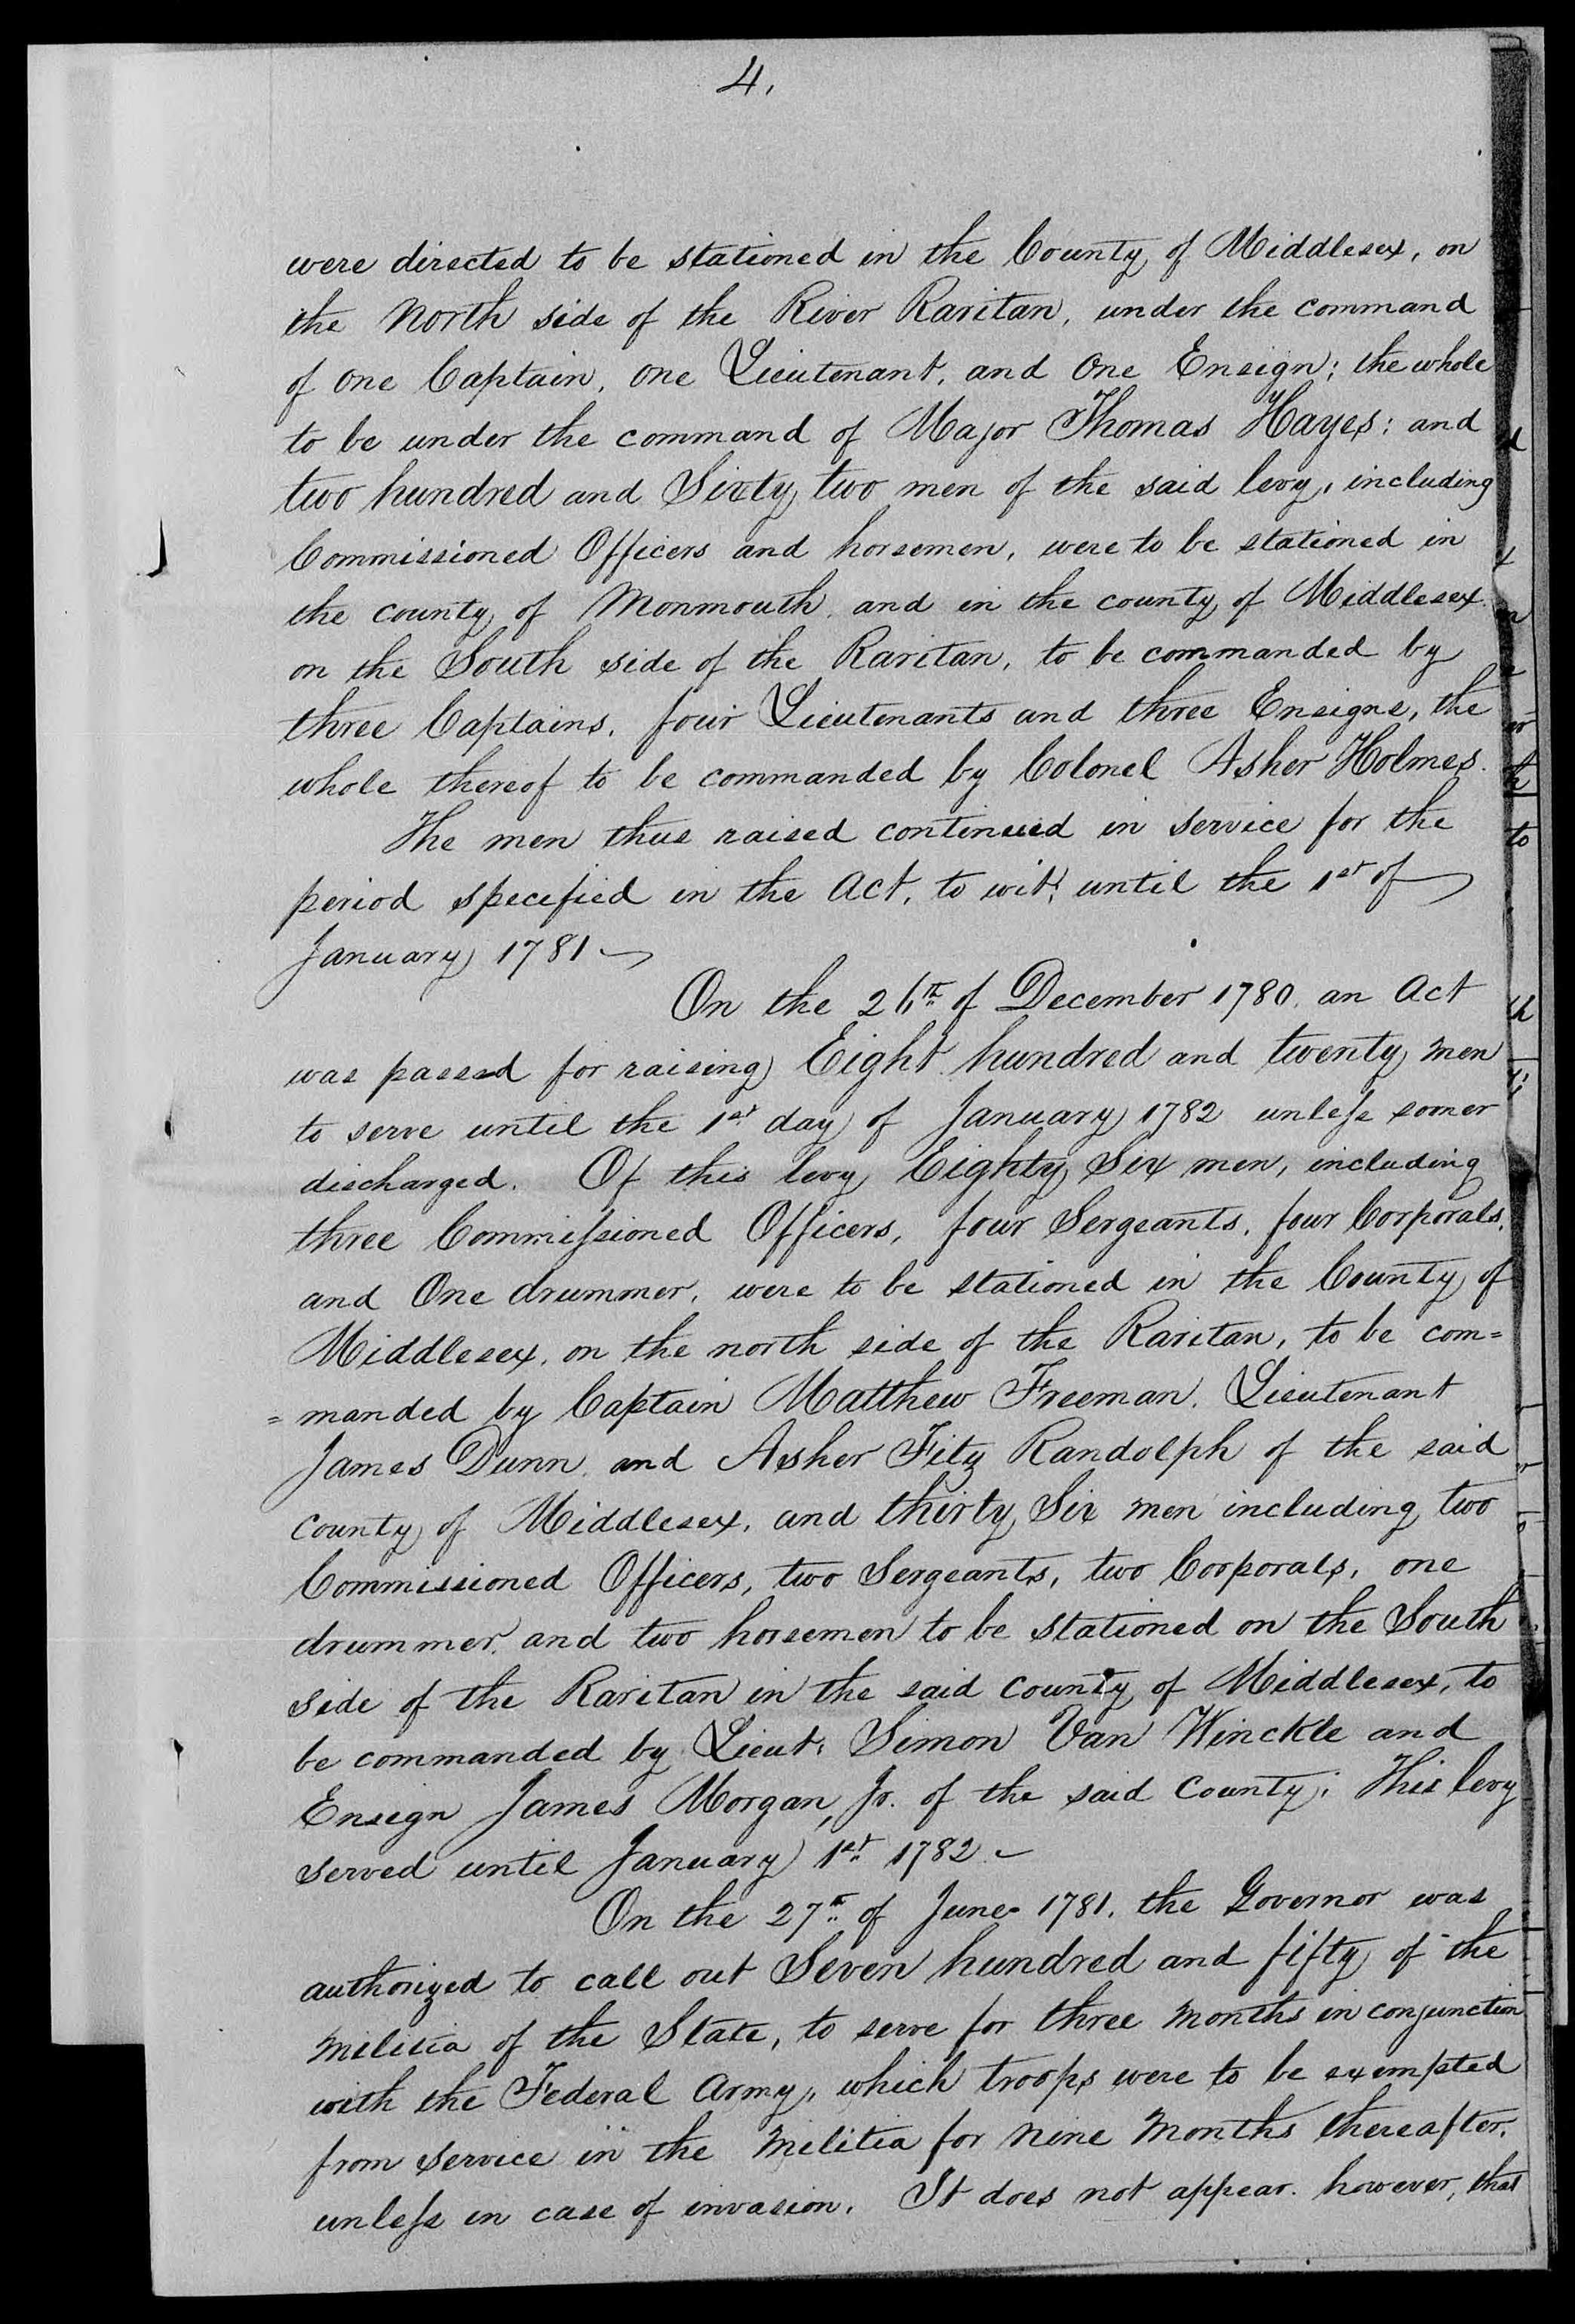...4

were directed to be stationed in the County of Middlesex, on the north side of the River Raritan, under the command of one captain, one Lieutenant, and one Ensign; the whole to be under the command of Major Thomas Hayes; and two hundred and sixty two men of the said levy, including commissioned officers and horsemen, were to be stationed in the County of Monmouth and in the County of Middlesex on the south side of the Raritan (River), to be commanded by three captains, four lieutenants and three ensigns, the whole thereof to be commanded by Colonel Asher Holmes.

The men thus raised continued in service for the period specified in the act, to wit, until the 1st of January 1781.

On the 26th of December 1780, an act was passed for raising eight hundred and twenty men to serve until the 1st day of January 1782 unless sooner discharged. Of this levy eighty six men, including three commissioned officers, four sergeants, four corporals and one drummer were to be stationed in the County of Middlesex, on the north side of the Raritan (River), to be commanded by Captain Matthew Freeman, Lieutenant James Dunn and Asher Fitz Randolph of the said County of Middlesex, and thirty six men including two commissioned officers, two sergeants, two corporals, one drummer and two horsemen to be stationed on the south side of the Raritan (River) in the said County of Middlesex, to be commanded by Lieut. Simon Van Winckle and Ensign James Morgan, Jr., of the said County. This levy served until January 1st 1782.

On the 27th of June 1781, the Governor was authorized to call out seven hundred and fifty of the militia of the State, to serve for three months in conjunction with the Federal Army, which troops were to be exempted from service in the militia for nine months thereafter, unless in case of invasion. It does not appear however, that...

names: Asher Holmes; Thomas Hayes; James Morgan; Asher Fitz Randolph; James Dunn; Simon Van Winckle; Matthew Freeman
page: 31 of 95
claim: survivor's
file: S 2889, for Levi Mundy, New Jersey